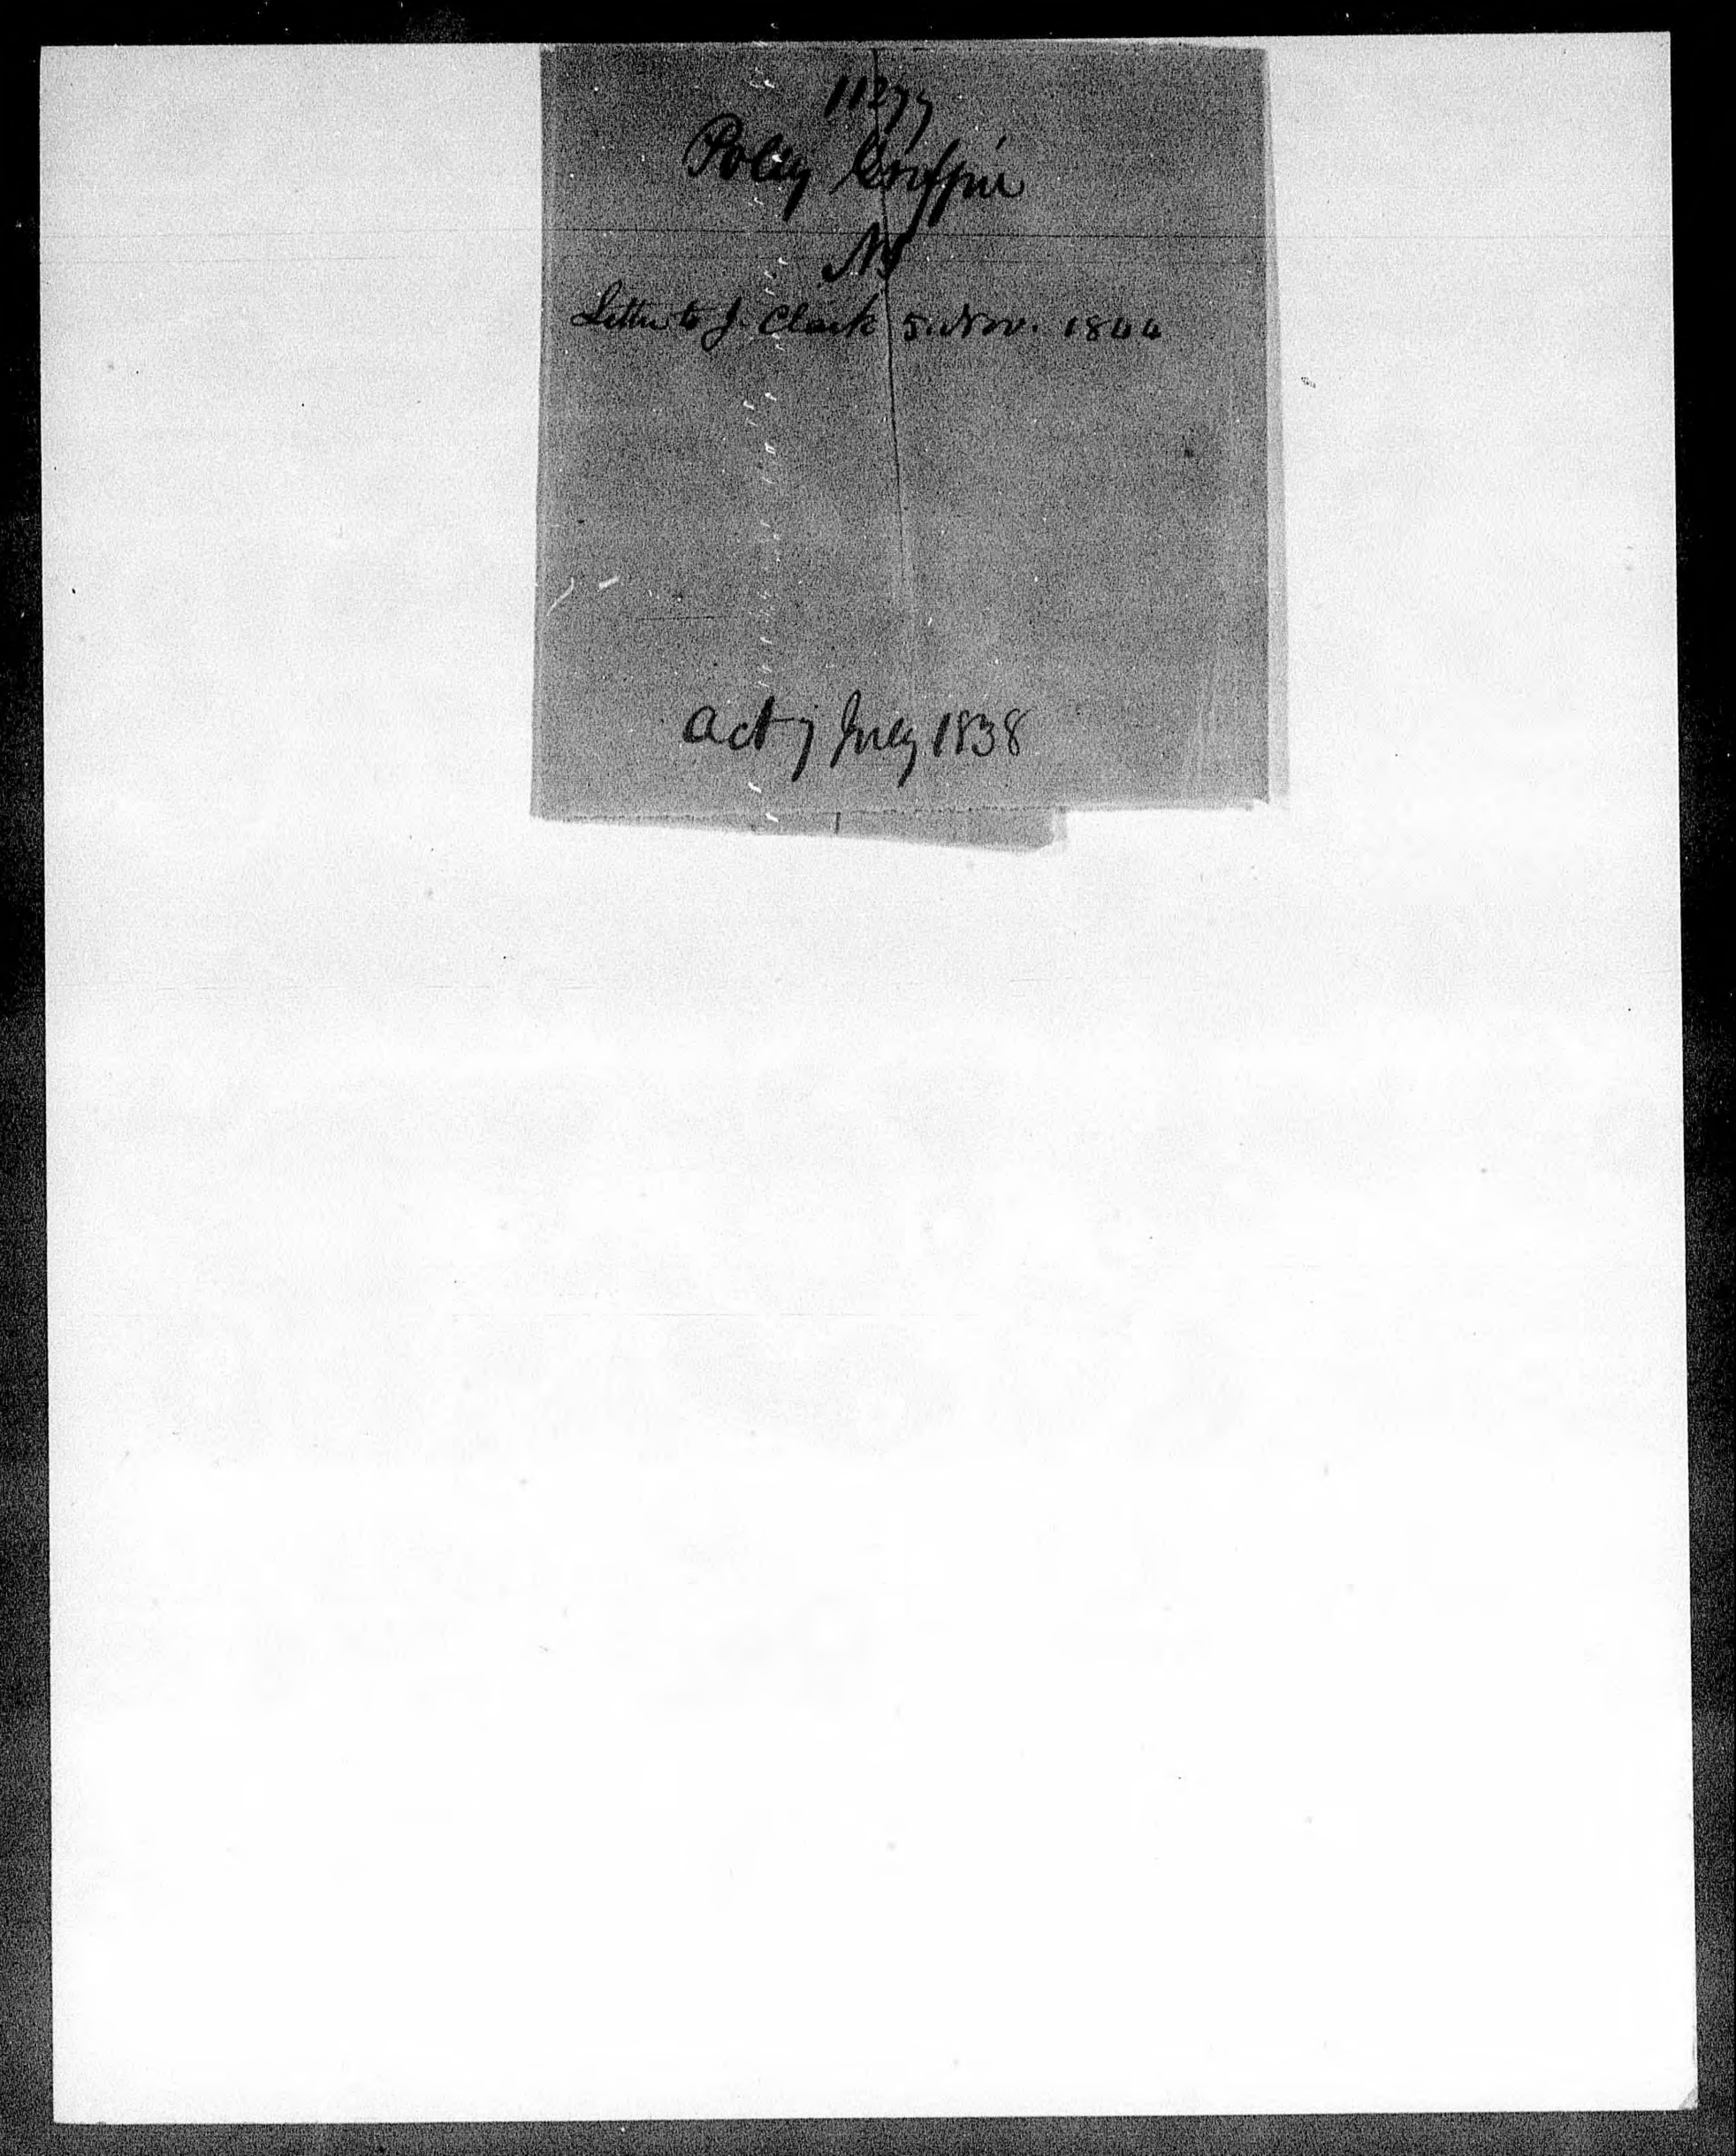11277
Polly Griffin
NY
Letter to J. Clark 5 Nov. 1844
Act 7 July 1838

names: J Clark, Polly Griffin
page: 42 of 60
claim: widow's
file: W. 19,537, Thomas Griffin, Conn.